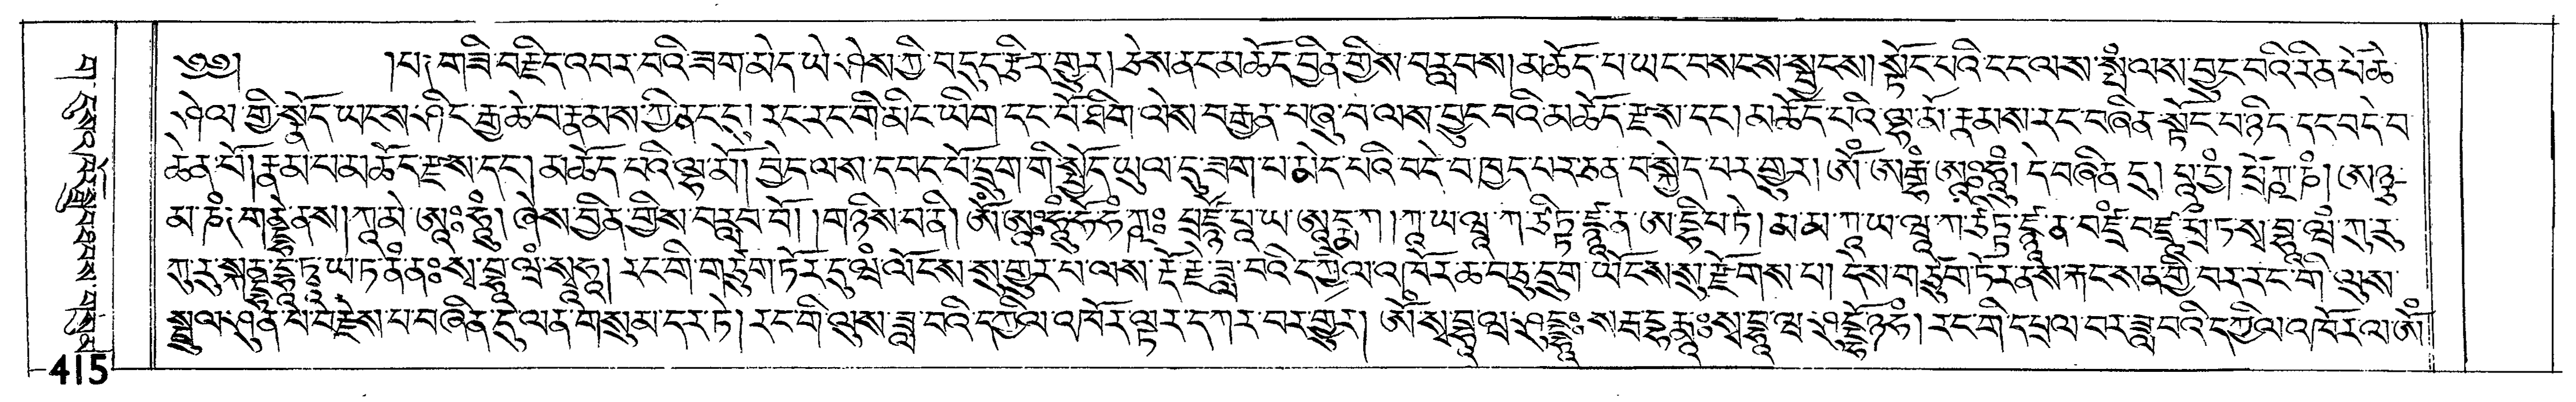༄༅། །པ༑ གཟི་བརྗིད་འབར་བའི་ཟག་མེད་ཡེ་ཤེས་ཀྱི་བདུད་རྩིར་གྱུར། ཅེས་ནང་མཆོད་བྱིན་གྱིས་བརླབས། མཆོད་པ་ཡང་བསངས་སྦྱངས། སྟོང་པའི་ངང་ལས་སྤཾ་ལས་བྱུང་བའི་རིན་པོ་ཆེ་
ཤེལ་གྱི་སྣོད་ཡངས་ཤིང་རྒྱ་ཆེ་བ་རྣམས་ཀྱི་ནང་དུ། རང་རང་གི་མིང་ཡིག་དང་པོ་ཐིག་ལེས་བརྒྱན་པ་ཞུ་བ་ལས་བྱུང་བའི་མཆོད་རྫས་དང་། མཆོད་པའི་ལྷ་མོ་རྣམས་རང་བཞིན་སྟོང་པ་ཉིད་དང་བདེ་བ་
ཆེན་པོ། རྣམ་པ་མཆོད་རྫས་དང་། མཆོད་པའི་ལྷ་མོ། བྱེད་ལས་དབང་པོ་དྲུག་གི་སྤྱོད་ཡུལ་དུ་ཟག་པ་མེད་པའི་བདེ་བ་ཁྱད་པར་ཅན་བསྐྱེད་པར་གྱུར། ཨོཾ་ཨརྒྷཾ་ཨཱཿ ཧཱུཾ། དེ་བཞིན་དུ། པཱ་དྱཾ། པྲོཀྵ་ཎཾ། ཨཉྩ་
མ་ཎཾ༑ གནྡྷེ་ནས། ཀཱ་མེ་ཨཱཿ ཧཱུཾ། ཞེས་བྱིན་གྱིས་བརླབ་བོ། །གཉིས་པ་ནི། ཨོཾ་ཨཱཿ ཧཱུཾ་ཧོ་ཧཾ་ཀྵཿ པྲཛྙ་པཱ་ཡ་ཨཱདམ་ཀ། ཀཱ་ཡ་ཝཱ་ཀ་ཙི་ཏྟ་ཛྙཱ་ན་ཨ་དྷི་པ་ཏེ། མ་མ་ཀཱ་ཡ་ཝཱ་ཀ་ཙིཏྟ་ཛྙཱ་ན་བཛྲ་བཛྲཱ་མྲྀ་ཏ་སྭ་བྷཱ་ཝཾ་ཀུ་རུ་
ཀུ་རུ་སྐནྡྷ་དྷཱ་ཏྭཱ་ཡ་ཏ་ནཾ་ནཿ སྭ་བྷཱ་ཝཾ་སྭཱཧཱ། རང་གི་གཙུག་ཏོར་དུ་ཝཾ་ལོངས་སུ་གྱུར་པ་ལས་རྡོ་རྗེ་ཟླ་བའི་དཀྱིལ་འཁོར་ཆ་བཅུ་དྲུག་ཡོངས་སུ་རྫོགས་པ། དེས་གཙུག་ཏོར་ནས་རྐང་སན་གྱི་བར་རང་གི་ལུས་
སྤྲུལ་ཤུན་པ་བརྗེས་པ་བཞིན་དུ་ལན་གསུམ་དར་ཏེ། རང་གི་ལུས་ཟླ་བའི་དཀྱིལ་འཁོར་ལྟར་དཀར་བར་གྱུར། ཨོཾ་སྭ་བྷཱ་ཝ་ཤུདྡྷཱཿ སརྦ་དྷརྨཱཿ སྭ་བྷཱ་ཝ་ཤུདྡྷོ་ཉཧཾ། རང་གི་དཔྲལ་བར་ཟླ་བའི་དཀྱིལ་འཁོར་ལ་ཨོཾ་